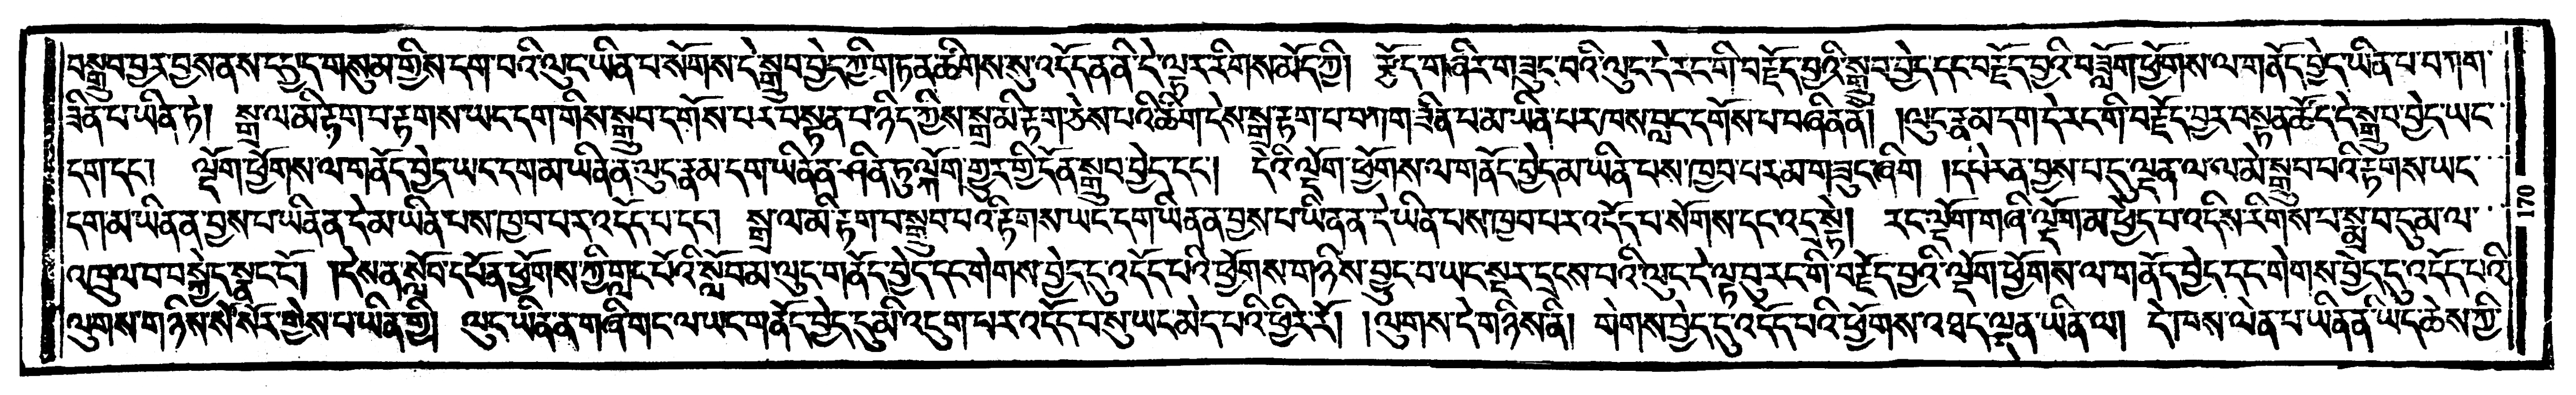བསྒྲུབ་བྱར་བྱས་ནས་དཔྱད་གསུམ་གྱིས་དག་བའི་ལུང་ཡིན་པ་སོགས་དེ་སྒྲུབ་བྱེད་ཀྱི་གཏན་ཚིགས་སུ་འདོད་ན་ནི་དེ་ལྟར་རིགས་མོད་ཀྱི། རྩོད་གཞིར་གཟུང་བའི་ལུང་དེ་རང་གི་བརྗོད་བྱའི་སྒྲུབ་བྱེད་དང་བརྗོད་བྱའི་བཟློག་ཕྱོགས་ལ་གནོད་བྱེད་ཡིན་པ་བཀག་
ཟིན་པ་ཡིན་ཏེ། སྒྲ་ལ་མི་རྟག་པ་རྟགས་ཡང་དག་གིས་སྒྲུབ་དགོས་པར་བསྟན་པ་ཉིད་ཀྱིས་སྒྲ་མི་རྟག་ཅེས་པའི་ཚིག་དེས་སྒྲ་རྟག་པ་བཀག་ཟིན་པ་མ་ཡིན་པར་ཁས་བླང་དགོས་པ་བཞིན་ནོ། །ལུང་རྣམ་དག་དེ་རང་གི་བརྗོད་བྱར་བསྟན་ཚོད་དེ་སྒྲུབ་བྱེད་ཡང་
དག་དང་། ལྡོག་ཕྱོགས་ལ་གནོད་བྱེད་ཡང་དག་མ་ཡིན་ན་ལུང་རྣམ་དག་ཡིན་ན་ཤིན་ཏུ་ལྐོག་གྱུར་གྱི་དོན་སྒྲུབ་བྱེད་དང་། དེའི་ལྡོག་ཕྱོགས་ལ་གནོད་བྱེད་མ་ཡིན་པས་ཁྱབ་པར་མ་གཟུང་ཞིག །དཔེར་ན་བྱས་པ་དུ་ལྡན་ལ་ལ་མེ་སྒྲུབ་པའི་རྟགས་ཡང་
དག་མ་ཡིན་ན་བྱས་པ་ཡིན་ན་དེ་མ་ཡིན་པས་ཁྱབ་པར་འདོད་པ་དང་། སྒྲ་ལ་མི་རྟག་པ་སྒྲུབ་པའི་རྟགས་ཡང་དག་ཡིན་ན་བྱས་པ་ཡིན་ན་དེ་ཡིན་པས་ཁྱབ་པར་འདོད་པ་སོགས་དང་འདྲ་སྟེ། རང་ལྡོག་གཞི་ལྡོག་མ་ཕྱེད་པ་འདིས་རིགས་པ་སྨྲ་བ་དུ་མ་ལ་
འཁྲུལ་བ་བསྐྱེད་སྣང་ངོ། །དེས་ན་སློབ་དཔོན་ཕྱོགས་ཀྱི་གླང་པོའི་སློབ་མ་ལུང་གནོད་བྱེད་དང་གེགས་བྱེད་དུ་འདོད་པའི་ཕྱོགས་གཉིས་བྱུང་བ་ཡང་སྔར་དྲངས་པའི་ལུང་དེ་ལྟ་བུ་རང་གི་བརྗོད་བྱའི་ལྡོག་ཕྱོགས་ལ་གནོད་བྱེད་དང་གེགས་བྱེད་དུ་འདོད་པའི་
ལུགས་གཉིས་སོ་སོར་གྱེས་པ་ཡིན་གྱི། ལུང་ཡིན་ན་གཞི་གང་ལ་ཡང་གནོད་བྱེད་དུ་མི་འཇུག་པར་འདོད་པ་སུ་ཡང་མེད་པའི་ཕྱིར་རོ། །ལུགས་དེ་གཉིས་ནི། གེགས་བྱེད་དུ་འདོད་པའི་ཕྱོགས་འཐད་ལྡན་ཡིན་ལ། དེ་ཁས་ལེན་པ་ཡིན་ན་ཡིད་ཆེས་ཀྱི་